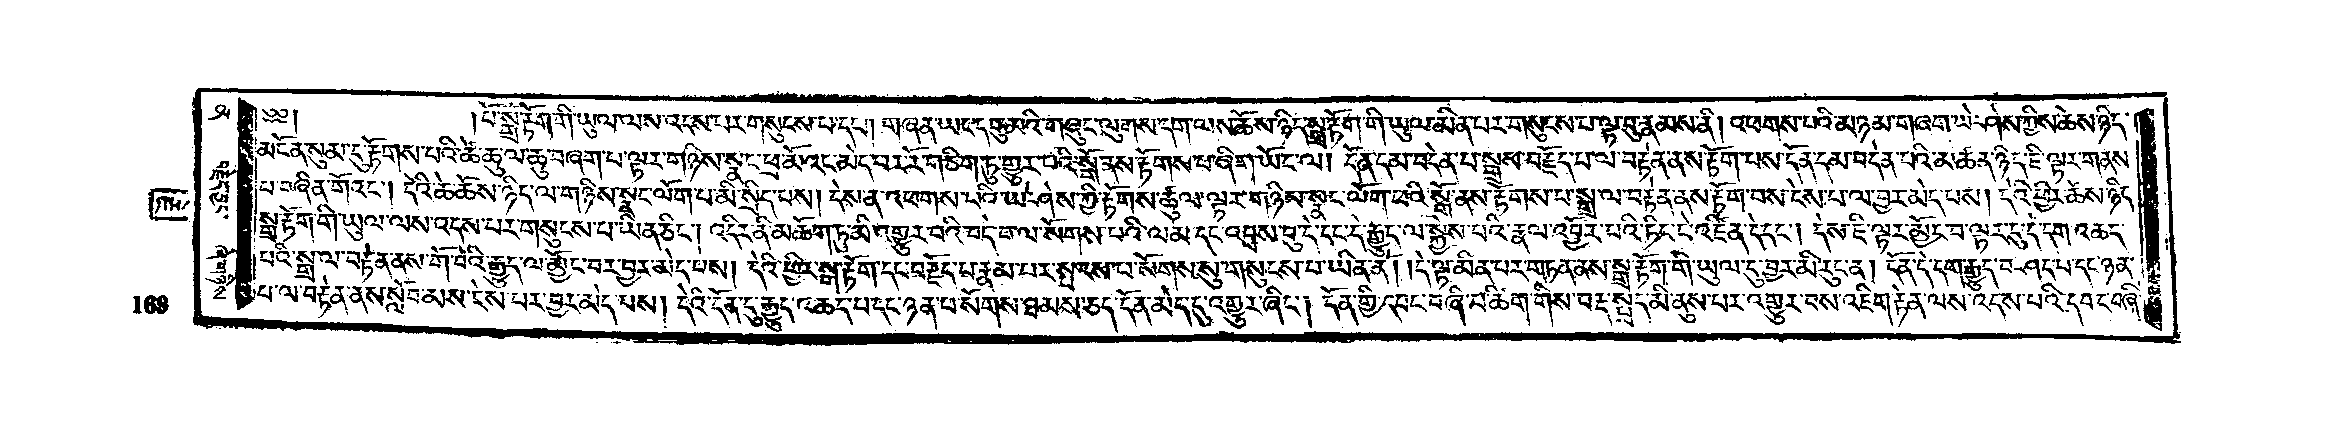༄༅། །པོ་སྒྲ་རྟོག་གི་ཡུལ་ལས་འདས་པར་གསུངས་པ་དང་། གཞན་ཡང་དབུ་མའི་གཞུང་ལུགས་དག་ལས་ཆོས་ཉིད་སྒྲ་རྟོག་གི་ཡུལ་མིན་པར་གསུངས་པ་ལྟ་བུ་རྣམས་ནི། འཕགས་པའི་མཉམ་གཞག་ཡེ་ཤེས་ཀྱིས་ཆོས་ཉིད་
མངོན་སུམ་དུ་རྟོགས་པའི་ཚེ་ཆུ་ལ་ཆུ་བཞག་པ་ལྟར་གཉིས་སྣང་ཕྲ་མོའང་མེད་པར་རོ་གཅིག་ཏུ་གྱུར་པའི་སྒོ་ནས་རྟོགས་པ་ཞིག་ཡོད་ལ། དོན་དམ་བདེན་པ་སྒྲས་བརྗོད་པ་ལ་བརྟེན་ནས་རྟོག་པས་དོན་དམ་བདེན་པའི་མཚན་ཉིད་ཇི་ལྟར་གནས་
པ་བཞིན་གོའང་། དེའི་ཚེ་ཆོས་ཉིད་ལ་གཉིས་སྣང་ལོག་པ་མི་སྲིད་པས། དེས་ན་འཕགས་པའི་ཡེ་ཤེས་ཀྱི་རྟོགས་ཚུལ་ལྟར་གཉིས་སྣང་ལོག་པའི་སྒོ་ནས་རྟོགས་པ་སྒྲ་ལ་བརྟེན་ནས་རྟོག་པས་ངེས་པ་ལ་བྱར་མེད་པས། དེའི་ཕྱིར་ཚེས་ཉིད་
སྒྲ་རྟོག་གི་ཡུལ་ལས་འདས་པར་གསུངས་པ་ཡིན་ཅིང་། འདིར་ནི་མཆོག་ཏུ་མི་འགྱུར་བའི་བདེ་བ་ལ་སོགས་པའི་ལམ་དང་འབྲས་བུ་དེ་དང་དེ་རྒྱུད་ལ་སྐྱེས་པའི་རྣལ་འབྱོར་པའི་ཏིང་ངེ་འཛིན་དེ་དང་། དེས་ཇི་ལྟར་མྱོང་བ་ལྟར་དུ་དེ་དག་འཆད་
པའི་སྒྲ་ལ་བརྟེན་ནས་གོ་བའི་རྒྱུད་ལ་མྱོང་བར་བྱར་མེད་པས། དེའི་ཕྱིར་སྒྲ་རྟོག་དང་བརྗོད་པ་རྣམ་པར་སྤངས་པ་སོགས་སུ་གསུངས་པ་ཡིན་ནོ། །དེ་ལྟ་མིན་པར་གཏན་ནས་སྒྲ་རྟོག་གི་ཡུལ་དུ་བྱར་མི་རུང་ན། དོན་དེ་དག་རྒྱུད་བཤད་པ་དང་ཉན་
པ་ལ་བརྟེན་ནས་སློབ་མས་ངེས་པར་བྱར་མེད་པས། དེའི་དོན་དུ་རྒྱུད་འཆད་པ་དང་ཉན་པ་སོགས་ཐམས་ཅད་དོན་མེད་དུ་འགྱུར་ཞིང་། དོན་གྱི་དབང་བཞི་པ་ཚིག་གིས་བརྡ་སྤྲད་མི་ནུས་པར་འགྱུར་བས་འཇིག་རྟེན་ལས་འདས་པའི་དབང་བཞི་